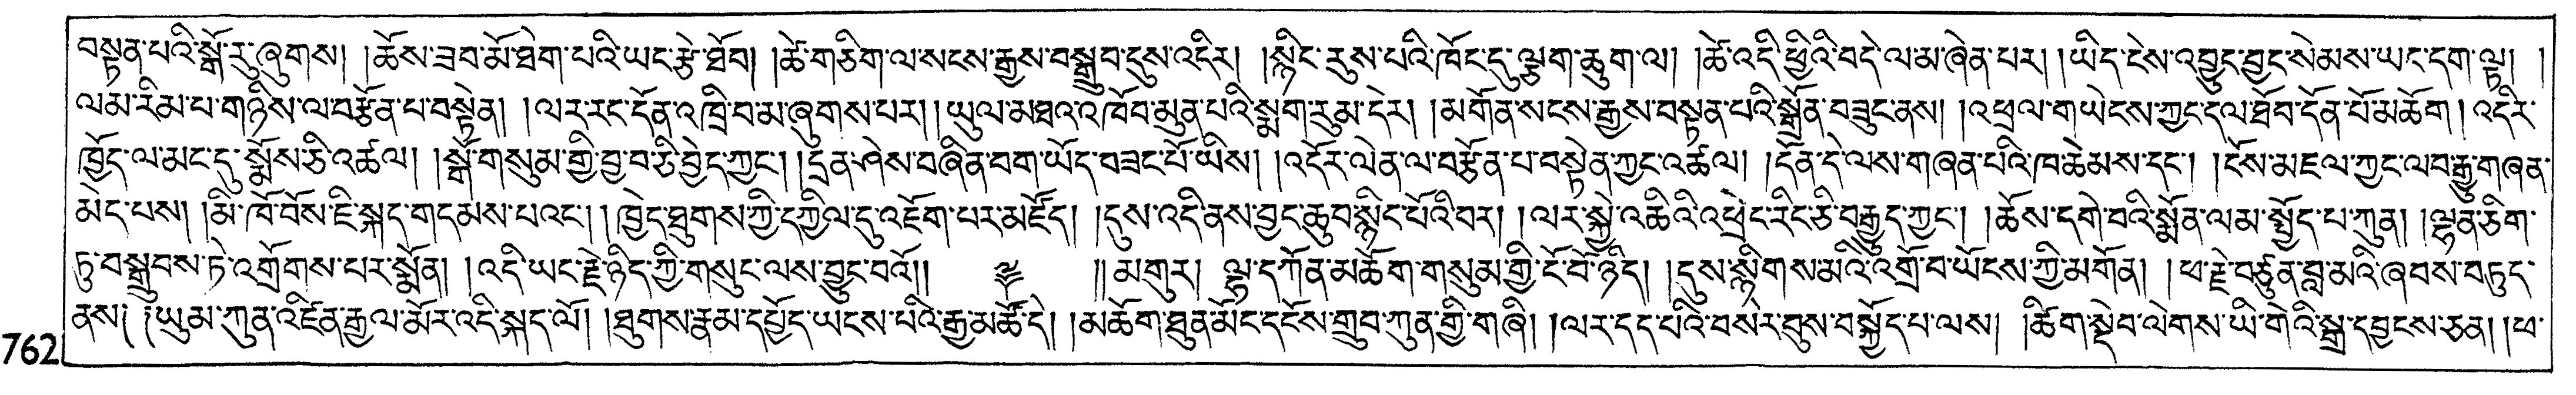བསྟན་པའི་སྒོ་རུ་ཞུགས། །ཆོས་ཟབ་མོ་ཐེག་པའི་ཡང་རྩེ་ཐོབ། །ཚེ་གཅིག་ལ་སངས་རྒྱས་བསྒྲུབ་དུས་འདིར། །སྙིང་རུས་པའི་ཁོང་དུ་ལྕག་ཆུག་ལ། །ཚེ་འདི་ཕྱིའི་བདེ་ལ་མ་ཞེན་པར། །ཡིད་ངེས་འབྱུང་བྱང་སེམས་ཡང་དག་ལྟ། །
ལམ་རིམ་པ་གཉིས་ལ་བརྩོན་པ་བསྟེན། །ལར་རང་དོན་འཁྲི་བ་མ་ཞུགས་པར། །ཡུལ་མཐའ་འཁོབ་མུན་པའི་སྨག་རུམ་དེར། །མགོན་སངས་རྒྱས་བསྟན་པའི་སྒྲོན་བཟུང་ནས། །འཕྲལ་གཡེངས་ཀྱང་དལ་ཐོབ་དོན་པོ་མཆོག །འདིར་
ཁྱོད་ལ་མང་དུ་སྨོས་ཅི་འཚལ། །སྒོ་གསུམ་གྱི་བྱ་བ་ཅི་བྱེད་ཀྱང་། །དྲན་ཤེས་བཞིན་བག་ཡོད་བཟང་པོ་ཡིས། །འདོར་ལེན་ལ་བརྩོན་པ་བསྟེན་ཀྱང་འཚལ། །དོན་དེ་ལས་གཞན་པའི་ཁ་ཆེམས་དང་། །ངོས་མཇལ་ཀྱང་ལབ་རྒྱུ་གཞན་
མེད་པས། །མི་ཁོ་བོས་ཇི་སྐད་གདམས་པའང་། །ཁྱེད་ཐུགས་ཀྱི་དཀྱིལ་དུ་འཇོག་པར་མཛོད། །དུས་འདི་ནས་བྱང་ཆུབ་སྙིང་པོའི་བར། །ལར་སྐྱེ་འཆིའི་འཕྲེང་རིང་ཅི་བརྒྱུད་ཀྱང་། །ཆོས་དགེ་བའི་སྨོན་ལམ་སྤྱོད་པ་ཀུན། །ལྷན་ཅིག་
ཏུ་བསྒྲུབས་ཏེ་འགྲོགས་པར་སྨོན། །འདི་ཡང་རྗེ་ཉིད་ཀྱི་གསུང་ལས་བྱུང་བའོ།། ༈ །།མགུར། ལྷ་དཀོན་མཆོག་གསུམ་གྱི་ངོ་བོ་ཉིད། །དུས་སྙིགས་མའི་འགྲོ་བ་ཡོངས་ཀྱི་མགོན། །ཕ་རྗེ་བཙུན་བླ་མའི་ཞབས་བཏུད་
ནས༑ ༑ཡུམ་ཀུན་འཛིན་རྒྱལ་མོར་འདི་སྐད་ལོ། །ཐུགས་རྣམ་དཔྱོད་ཡངས་པའི་རྒྱ་མཚོ་དེ། །མཆོག་ཐུན་མོང་དངོས་གྲུབ་ཀུན་གྱི་གཞི། །ལར་དད་པའི་བསེར་བུས་བསྐྱོད་པ་ལས། །ཚིག་སྡེབ་ལེགས་ཡི་གེའི་སྒྲ་དབྱངས་ཅན། །ཕ་